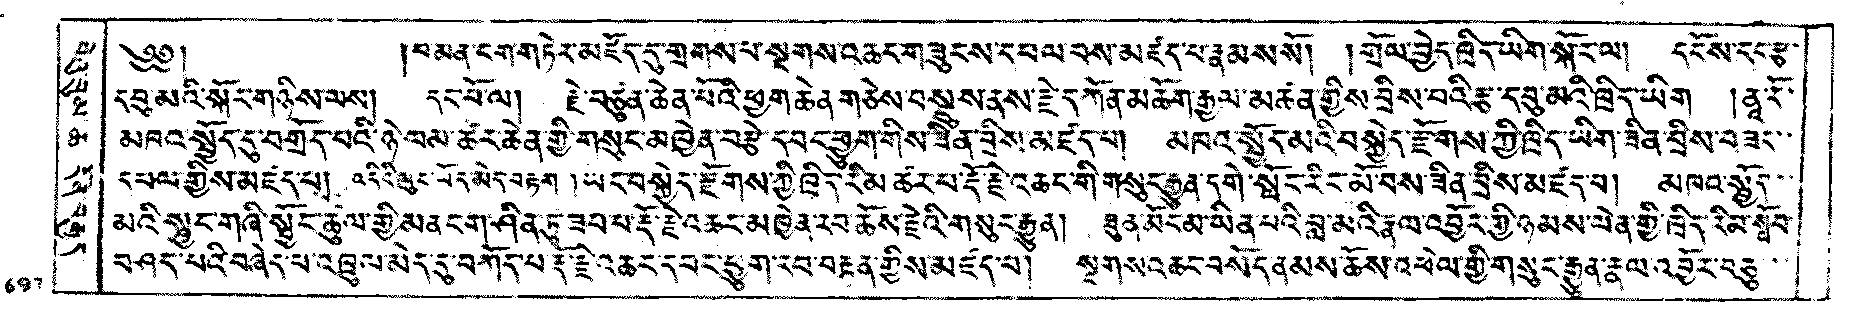༄༅། །པ་མན་ངག་གཏེར་མཛོད་དུ་གྲགས་པ་སྔགས་འཆང་གཟུངས་དཔལ་བས་མཛད་པ་རྣམས་སོ། །གྲོལ་བྱེད་ཁྲིད་ཡིག་སྐོར་ལ། དངོས་དང་རྩ་
དབུ་མའི་སྐོར་གཉིས་ལས། དང་པོ་ལ། རྗེ་བཙུན་ཆེན་པོའི་ཕྱག་ཆེན་གཅེས་བསྡུས་ནས་རྗེ་དཀོན་མཆོག་རྒྱལ་མཚན་གྱིས་བྲིས་པའི་རྩ་དབུ་མའི་ཁྲིད་ཡིག །ནཱ་རོ་
མཁའ་སྤྱོད་དུ་བགྲོད་པའི་ཉེ་ལམ་ཚར་ཆེན་གྱི་གསུང་མཁྱེན་བརྩེ་དབང་ཕྱུག་གིས་ཟིན་བྲིས་མཛད་པ། མཁའ་སྤྱོད་མའི་བསྐྱེད་རྫོགས་ཀྱི་ཁྲིད་ཡིག་ཟིན་བྲིས་བཟང་
དཔལ་གྱིས་མཛད་པ། འདིའི་ལུང་ཡོད་མེད་བརྟག་།ཡང་བསྐྱེད་རྫོགས་ཀྱི་ཁྲིད་རིམ་ཚར་པ་རྡོ་རྗེ་འཆང་གི་གསུང་རྒྱུན་དགེ་སློང་རིང་མོ་བས་ཟིན་བྲིས་མཛད་པ། མཁའ་སྤྱོད་
མའི་སྦྱང་གཞི་སྦྱོང་ཚུལ་གྱི་མན་ངག་ཤིན་ཏུ་ཟབ་པ་རྡོ་རྗེ་འཆང་མཁྱེན་རབ་ཆོས་རྗེའི་གསུང་རྒྱུན། ཐུན་མོང་མ་ཡིན་པའི་བླ་མའི་རྣལ་འབྱོར་གྱི་ཉམས་ལེན་གྱི་ཁྲིད་རིམ་སློབ་
བཤད་པའི་བཞེད་པ་འཁྲུལ་མེད་དུ་བཀོད་པ་རྡོ་རྗེ་འཆང་དབང་ཕྱུག་རབ་བརྟན་གྱིས་མཛད་པ། སྔགས་འཆང་བསོད་ནམས་ཆོས་འཕེལ་གྱི་གསུང་རྒྱུན་རྣལ་འབྱོར་བཅུ་